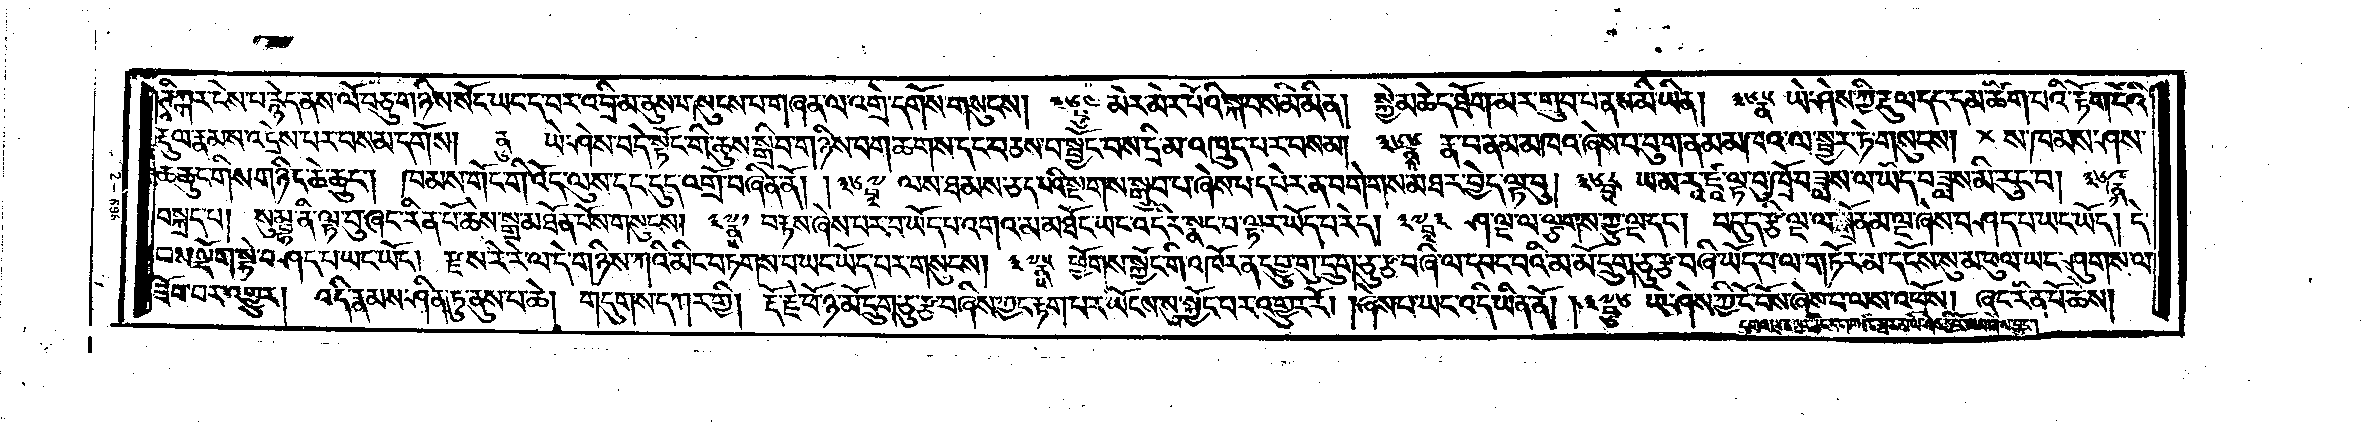ཊཱིཀྐར་ངེས་པ་རྙེད་ནས་ལོ་བཅུ་གཉིས་སོང་ཡང་ད་བར་བྲི་མ་ནུས་གསུངས་པ་གཞན་ལ་འགྲོ་དགོས་གསུངས། ༣༦༤བ༦་མེར་མེར་པོའི་སྐབས་མི་མིན། སྐྱེ་མཆེད་ཐོག་མར་གྲུབ་པ་ནས་མི་ཡིན། ༣༦༥ན་ཡེ་ཤེས་ཀྱི་རྡུལ་དང་དམ་ཚིག་པའི་རྟོག་ངོའི་
རྡུལ་རྣམས་འདྲེས་པར་བསམ་དགོས། ན༦་ཡེ་ཤེས་བདེ་སྟོང་གི་ཆུས་སྒྲིབ་གཉིས་བག་ཆགས་དང་བཅས་པ་སྦྱོང་བས་དྲི་མ་འཁྲུད་པར་བསམ། ༣༦༦ན༡་རྣ་བ་ནམ་མཁའ་ཞེས་པ་བུག་ནམ་མཁའ་ལ་སྦྱར་ཏེ་གསུངས། ྾་ས་ཁམས་ཤས་
ཆ་ཆུང་གིས་གཉིད་ཆེ་ཆུང་། ཁམས་གོང་གི་འོད་ལུས་དང་དུད་འགྲོ་བཞིན་ནོ། །༣༦༧བ༢་ལས་ཐམས་ཅད་པའི་སྔགས་སྒྲུབ་པ་ཞེས་པ་དཔེར་ན་བགེགས་མཐར་བྱེད་ལྟ་བུ། ༣༦༨བ༥་ཡ་མ་རཱ་ཛཱ་ལྟ་བུ་ཁྲོ་བཟླས་ལ་ཡིད་བཟླས་མི་རུང་བ། ༣༦༠ན༡
བསྐྲད་པ། སུམྦྷ་ནི་ལྟ་བུ་ཞང་རིན་པོ་ཆེས་སྒྲ་མཐོན་པོས་གསུངས། ༣༧༡ན༥་བརྟས་ཞེས་པར་བ་ཡོད་པ་འགའ་མ་མཐོང་ཡང་འདིར་སྣང་བ་ལྟར་ཡོད་པ་རེད། ༣༧༣བ༢་ཤ་ལྔ་ལ་ལྕགས་ཀྱུ་ལྔ་དང་། བདུད་རྩི་ལྔ་ལ་སྒྲོན་མ་ལྔ་ཞེས་བཤད་པ་ཡང་ཡོད། དེ་
བས་ལྡོག་སྟེ་བཤད་པ་ཡང་ཡོད། རྫས་རེ་རེ་ལ་དེ་གཉིས་ཀའི་མིང་བཏགས་པ་ཡང་ཡོད་པར་གསུངས། ༣༧༥ན༥་ཕྱོགས་སྐྱོང་གི་འཁོར་ན་དབྱུ་གུ་དྲུག་ཅུ་རྩ་བཞི་ལ་དབང་བའི་མ་མོ་དྲུག་ཅུ་རྩ་བཞི་ཡོད་པ་ལ་གཏོར་མ་དངོས་སུ་མ་ཕུལ་ཡང་ཤུགས་ལ་
ཐོབ་པར་འགྱུར། འདི་རྣམས་ཤིན་ཏུ་ནུས་པ་ཆེ། གདུགས་དཀར་གྱི། རྡོ་རྗེ་ཕོ་ཉ་མོ་དྲུག་ཅུ་རྩ་བཞིས་ཀྱང་རྟག་པར་ཡོངས་སུ་སྐྱོང་བར་འགྱུར་རོ། །ཞེས་པ་ཡང་འདི་ཡིན་ནོ། །༣༧༦བ༦་ཡེ་ཤེས་ཀྱི་ངོ་བོས་ཞེས་པ་ལས་འཕྲོས། ཞང་རིན་པོ་ཆེས།